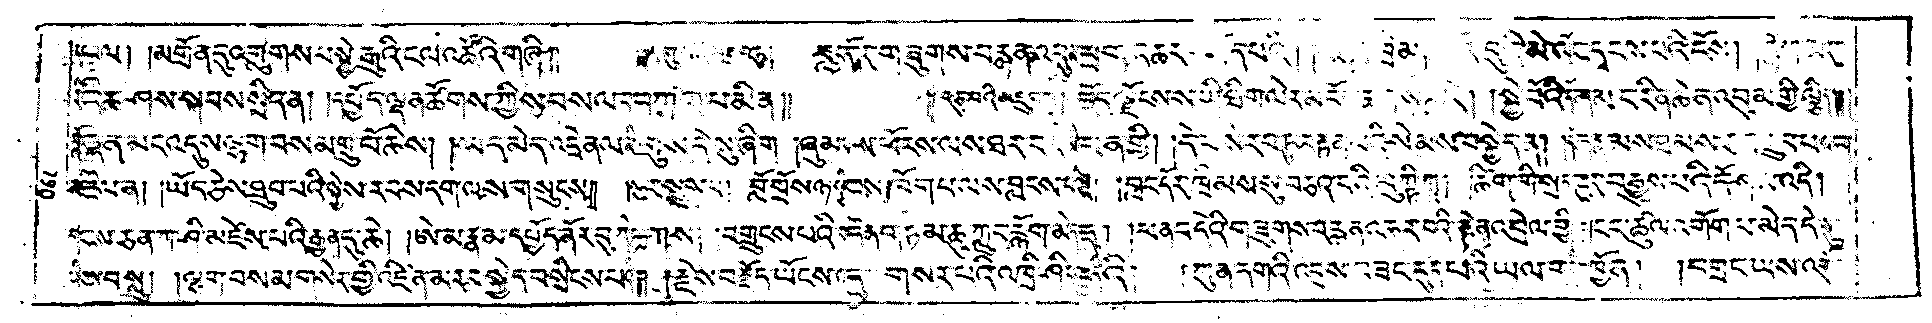དཔལ། །མགྲོན་དུ་འགུགས་པ་སྐྱེ་རྒུའི་ངལ་འཚོའི་གཞི།། །། དགུ་པའི་མཇུག་ཏུ།  བླང་དོར་གཟུགས་བརྙན་འབུམ་ཕྲག་འཆར་བཟོད་པའི། །བཅའ་ཁྲིམས་ནོར་བུའི་མེ་ལོང་དྭངས་པའི་ངོས། །རྙོག་མ་ར་
རིའི་ཆ་ཤས་སྐབས་སྲིད་ན། །དཔྱོད་ལྡན་ཚོགས་ཀྱིས་བསལ་བ་བཀག་པ་མིན།། །། བཅུ་པའི་མཇུག་ཏུ།  བོད་ལྗོངས་ས་ཡི་ཐིག་ལེར་མངོན་ཆགས་པའི། །སྐྱེ་བོའི་དོན་མང་རིན་ཆེན་འབུམ་གྱི་ལྕིད། །
བློ་ལྡན་མང་འདུས་ལྷག་བསམ་གྲུ་བོ་ཆེས། །འབད་མེད་འདྲེན་ལ་མི་གུས་དེ་སུ་ཞིག །ཞུམ་པས་ཕོངས་ལས་ཐར་བར་མི་ཕན་གྱི། །དེ་བས་རབ་ཏུ་བརྟན་པའི་སེམས་བསྐྱེད་ན། །དོན་རྣམས་ཐམས་ཅད་གྲུབ་པ་ལག་
མཐིལ་ན། །ཡོད་ཅེས་ཐུབ་པའི་སྐྱེས་རབས་དག་ལས་གསུངས།། །། སླར་སྨྲས་པ།  བློ་གྲོས་ཉ་ལྕིབས་ཁོག་པ་ལས་བླངས་པའི། །བླང་དོར་ཁྲིམས་སུ་བཅའ་བའི་མུཀྟི་ཀཱ། །ཚིག་གི་སྲད་བུར་བརྒྱུས་པའི་དོ་ཤལ་འདི། །
གངས་ཅན་ཀ་ཤི་མཛེས་པའི་རྒྱན་དུ་ཆེ། །ཨེ་མ་རྣམ་དཔྱོད་ནོར་བུ་ཀེ་ཏ་ཀས། །བགྲུངས་པའི་བདེན་གཏམ་ཆུ་ཀླུང་རྙོག་མེད་དུ། །ཕན་བདེའི་གཟུགས་བརྙན་འཆར་བའི་རྟེན་འབྲེལ་གྱི། །ངང་ཚུལ་འགོག་པ་མེད་དེ་སུ་
ཡིས་བསླུ། །ལྷག་བསམ་གསེར་གྱི་འཛིན་མར་བསྐྱེད་བསྲིངས་པའི། །རྗེས་བརྗོད་ཡོངས་འདུ་གསར་པའི་འཁྲི་ཤིང་འདིའི། །ཀུན་དགའི་འབྲས་བཟང་དུད་པའི་ཡལ་གའི་ཁྱོན། །བགྲང་ཡས་འགྲོ་